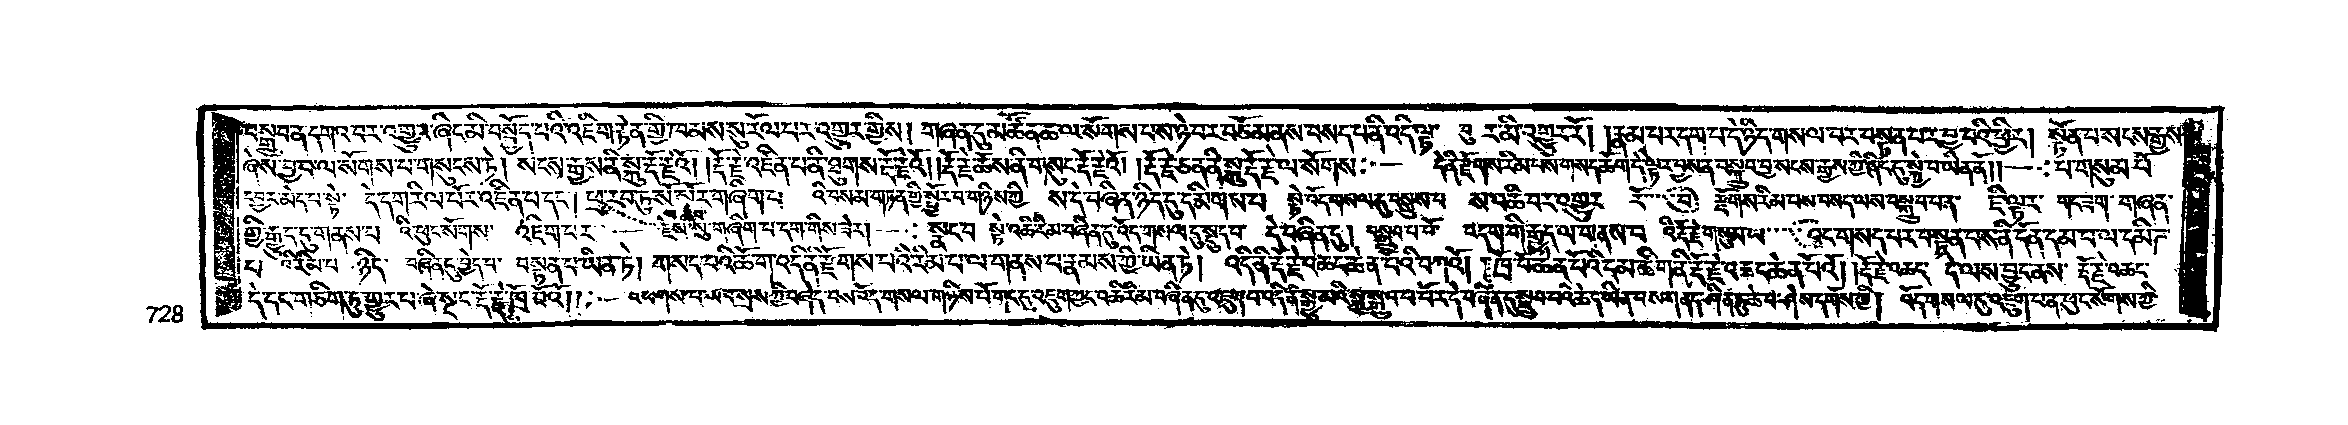བསྒྲུབ་ན་དགའ་བར་འགྱུར་ཞིང་མི་བསྐྱོད་པའི་འཇིག་རྟེན་གྱི་ཁམས་སུ་རོལ་པར་འགྱུར་གྱིས། གཞན་དུ་མཚོན་ཆ་ལ་སོགས་པས་ཉེ་བར་བཅོམ་ནས་བསད་པ་ནི་འདི་ལྟ་བུ་ར་མི་འགྱུར་རོ། །རྣམ་པར་དག་པ་དེ་ཉིད་གསལ་བར་བསྟན་པར་བྱ་བའི་ཕྱིར། སྟོན་པ་སངས་རྒྱས་
ཞེས་བྱ་བ་ལ་སོགས་པ་གསུངས་ཏེ། སངས་རྒྱས་ནི་སྐུ་རྡོ་རྗེའོ། །རྡོ་རྗེ་འཛིན་པ་ནི་ཐུགས་རྡོ་རྗེའོ། །རྡོ་རྗེ་ཆོས་ནི་གསུང་རྡོ་རྗེའོ། །རྡོ་རྗེ་ཅན་ནི་སྐུ་རྡོ་རྗེ་ལ་སོགས་H.་དེ་ནི་རྫོགས་རིམ་པས་གསད་ཆོ་ག་དེ་ལྟར་བྱས་ན་བསྒྲུབ་བྱ་སངས་རྒྱས་ཀྱི་ཞིང་དུ་སྐྱེ་བ་ཡིན་ནོ།། .H པ་གསུམ་པོ་
དབྱེར་མེད་པ་སྟེ་དེ་དག་རིལ་པོར་འཛིན་པ་དང་། ཕྲ་རབ་ཏུ་སོ་སོར་གཞིག་པའི་བསམ་གཏན་གྱི་སྦྱོར་བ་གཉིས་ཀྱི་ས་དེ་བཞིན་ཉིད་དུ་དམིགས་པ་སྟེ་འོད་གསལ་དུ་བསྡུས་པ་ས་འཆི་བར་འགྱུར་རོ་བ་རྫོགས་རིམ་པས་བསད་ལས་བསྒྲུབ་པ་ན་ཇི་ལྟར་གང་ཟག་གཞན་
གྱི་རྒྱུད་དུ་གནས་པའི་ཕུང་སོགས་འཇིག་པར་H.་པ་ཚབ་རྗེས་སུ་གཞིག་པ་དག་གིས་ཟེར། .H སྣང་བ་སྟེ་འཆི་རིམ་བཞིན་དུ་འོད་གསལ་དུ་སྡུད་པ་དེ་བཞིན་དུ། བསྒྲུབ་པ་པོ་བདག་གི་རྒྱུད་ལ་གནས་པ་འི་རྡོ་རྗེ་གསུམ་ས་འང་གསད་པར་བསྟན་པས་ནི་དོན་དམ་པ་ལ་དམིགས་
པ་འི་རིམ་པ་ཉིད་བཞིན་དུ་བྱེད་པ་བསྟན་པ་ཡིན་ཏེ། གསད་པའི་ཆོ་ག་འདི་ནི་རྫོགས་པའི་རིམ་པ་ལ་གནས་པ་རྣམས་ཀྱི་ཡིན་ཏེ། འདི་ནི་རྡོ་རྗེ་འཆང་ཆེན་པོའི་བཀའོ། །ཁྲོ་བོ་ཆེན་པོའི་དམ་ཚིག་ནི་རྡོ་རྗེ་འཆང་ཆེན་པོའོ། ། རྡོ་རྗེ་འཆང་དེ་ལས་བྱུང་ནས་རྡོ་རྗེ་འཆང
དེ་དང་གཅིག་ཏུ་གྱུར་པ་ཞེ་སྡང་རྡོ་རྗེ་ཁྲོ་བོའོ།། H.་འཕགས་པ་ཡབ་སྲས་ཀྱི་བཞེད་བས་འོད་གསལ་གཉིས་པོ་གང་དུ་འཇུག་ཀྱང་འཚི་རིམ་བཞིན་དུ་འཇུག་པ་འདི་ནི་སྒྱུ་མའི་སྐུ་སྒྲུབ་པ་པོར་དེ་བཞིན་དུ་སྒྲུབ་པའི་ཆེད་ཡིན་པས་གནད་ཤིན་ཏུ་ཆེ་བ་ཤེས་དགོས་ཀྱི། འོད་གསལ་དུ་འཇུག་པ་ན་ཕུང་སོགས་ཀྱི་